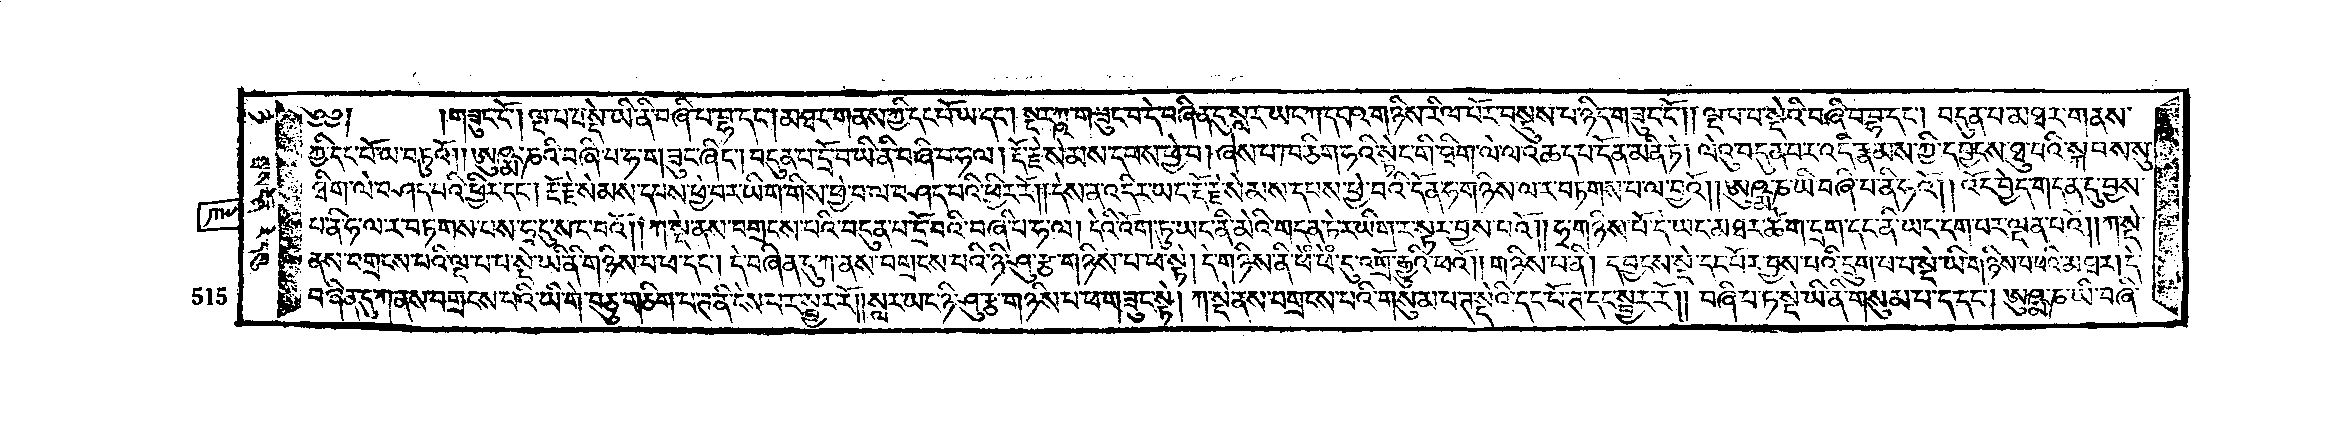༄༅། །གཟུང་ངོ། ལྔ་པ་སྡེ་ཡི་ནི་བཞི་པ་བྷ་དང་། མཐར་གནས་ཀྱི་དང་པོ་ཡ་དང་། སྔར་ཀྵ་གཟུང་བ་དེ་བཞིན་དུ་སླར་ཡང་ཀ་དང་ཥ་གཉིས་རིལ་པོར་བསྡུས་པ་ཉིད་གཟུང་ངོ། །ལྔ་པ་བ་སྡེའི་བཞི་པ་བྷ་དང་། བདུན་པ་མཐར་གནས་
ཀྱི་དང་པོ་ཡ་བཏུའོ། །ཨུཥྨ་ཎའི་བཞི་པ་ཧ་གཟུང་ཞིང་། བདུན་པ་དྲོ་བ་ཡི་ནི་བཞི་པ་ཧ་ལ། རྡོ་རྗེ་སེམས་དཔས་ཕྱེ་བ། ཞེས་པ་ཁ་ཅིག་ཧའི་སྟེང་གི་ཐིག་ལེ་ལ་འཆད་པ་དོན་མིན་ཏེ། ལེའུ་བདུན་པར་འདི་རྣམས་ཀྱི་དབྱངས་ཐུ་བའི་སྐབས་སུ་
ཐིག་ལེ་བཤད་པའི་ཕྱིར་དང་། རྡོ་རྗེ་སེམས་དཔས་ཕྱེ་བར་ཡིག་གིས་ཕྱེ་བ་ལ་བཤད་པའི་ཕྱིར་རོ། །དེས་ན་འདིར་ཡང་རྡོ་རྗེ་སེམས་དཔས་ཕྱེ་བའི་དོན་ཧ་གཉིས་ལ་ར་བཏགས་པ་ལ་བྱའོ། །ཨུཥྨ་ཎ་ཡི་བཞི་པ་ནི་ཧའོ། །འོད་བྱེད་གདན་དུ་བྱས་
པ་ནི་ཧ་ལ་ར་བཏགས་པས་ཧྲ་དུ་སང་བའོ། །ཀ་སྡེ་ནས་བགྲངས་པའི་བདུན་པ་དྲོ་བའི་བཞི་པ་ཧ་ལ། དེའི་འོག་ཏུ་ཡང་ནི་མེའི་གདན་ཏེ་ར་ཡིག་ར་སྟར་བྱས་པའོ། །ཧྲ་གཉིས་པོ་དེ་ཡང་མཐར་ཚིག་དྲག་དང་ནི་ཡང་དག་པར་ལྡན་པའོ། །ཀ་སྡེ་
ནས་བགྲངས་པའི་ལྔ་པ་པ་སྡེ་ཡི་ནི་གཉིས་པ་ཕ་དང་། དེ་བཞིན་དུ་ཀ་ནས་བགྲངས་པའི་ཉི་ཤུ་རྩ་གཉིས་པ་ཕ་སྟེ། དེ་གཉིས་ནི་ཕེཾ་ཕེཾ་དུ་འགྲོ་རྒྱུའི་ཕའོ། །གཉིས་པ་ནི། དབྱངས་སྡེ་དང་པོར་བྱས་པའི་དྲུག་པ་པ་སྡེ་ཡི་གཉིས་པ་ཕའི་མཐར། དེ་
བཞིན་དུ་ཀ་ནས་བགྲངས་པའི་ཡི་གེ་བཅུ་གཅིག་པ་ཊ་ནི་ངེས་པར་སྦྱར་རོ། །སླར་ཡང་ཉི་ཤུ་རྩ་གཉིས་པ་ཕ་གཟུང་སྟེ། ཀ་སྡེ་ནས་བགྲངས་པའི་གསུམ་པ་ཊ་སྡེའི་དང་པོ་ཊ་དང་སྦྱར་རོ། །བཞི་པ་ཏ་སྡེ་ཡི་ནི་གསུམ་པ་ད་དང་། ཨུཥྨ་ཎ་ཡི་བཞི་